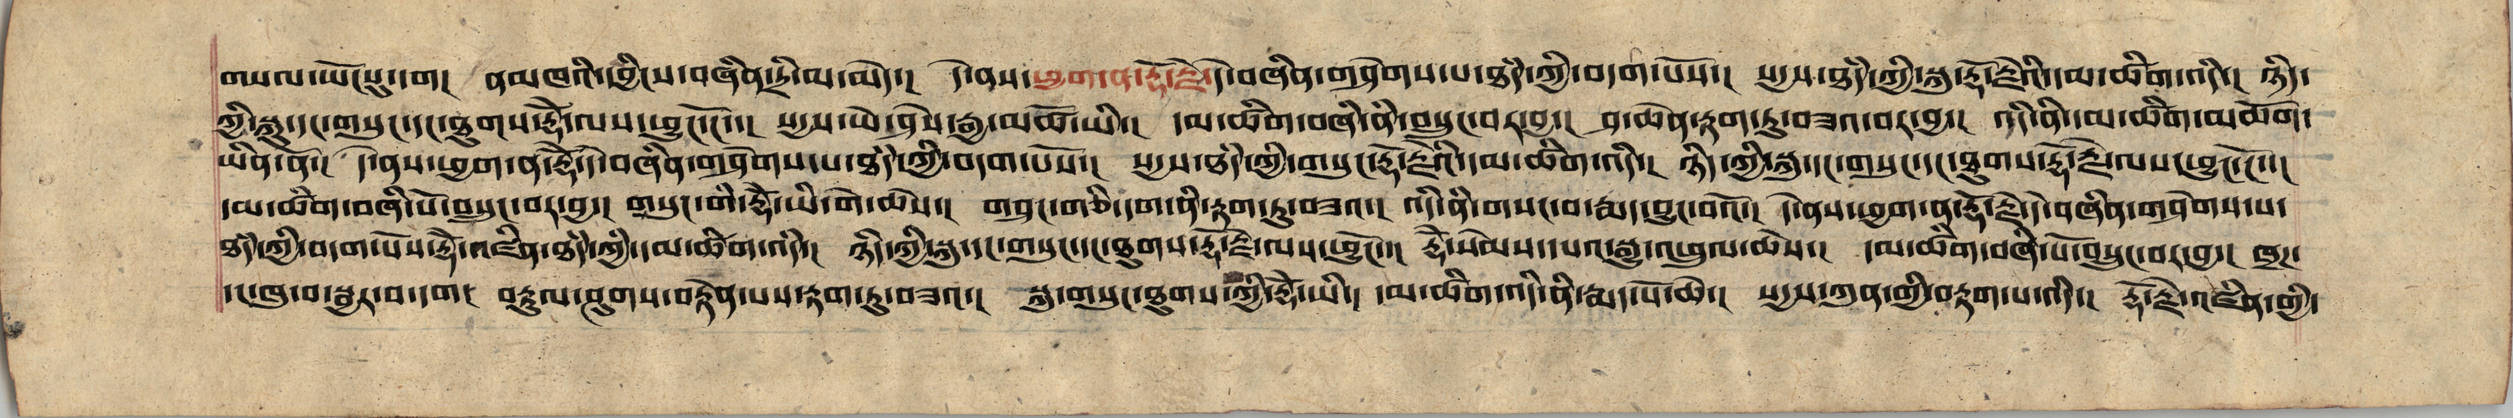གསལ་ཡོངསུ་དག། ནམཁའི་དབྱིངས་བཞིན་དྲི་མ་མེད་། དེ་ནས་ཕྱག་ན་རྡོ་རྗེ་དེ་བཞིན་གཤེགས་པ་ཐཾད་ཀྱི་བདག་པོས་། སདྱས་ཐཾད་ཀྱི་སྐུ་རྡོ་རྗེའི་དམ་ཚིག་འདི་། ཉིད་
ཀྱི་སྐུ་དང་གསུང་དང་ཐུགས་རྡོེ་ལས་ཕྱུང་ངོ་་། སདྱས་ཡེ་ཤེས་རྒྱ་མཚོ་ཡི་། དམ་ཚིག་བཞི་ནི་བསྲུང་བར་བྱ་། ཤ་ཆེན་རྟག་ཏུ་བཟའ་བར་བྱ་། འདི་ནི་དམ་ཚིག་མཆོག་
ཡིན་ནོ་། དེ་ནས་ཕྱག་ན་རྡོེ་དེ་བཞིན་གཤེགས་པ་ཐཾད་ཀྱི་བདག་པོས་། སདྱས་ཐཾད་ཀྱི་གསུང་རྡོ་རྗེའི་དམ་ཚིག་འདི་། ཉིད་ཀྱི་སྐུ་དང་གསུང་དང་ཐུགས་རྡོ་རྗེ་ལས་ཕྱུང་ངོ་་།
དམ་ཚིག་བཞི་པོ་བསྲུང་བར་བྱ་། གསུང་གི་རྡོེ་ཡི་གེ་ཆེས་། གཤང་གཅི་དག་ནི་རྟག་ཏུ་བཟའ་། འདི་ནི་གསང་བ་རྨད་བྱུང་བའོ་། དེ་ནས་ཕྱག་ན་རྡོ་རྗེ་དེ་བཞིན་གཤེགས་པ་
ཐཾད་ཀྱི་བདག་པོས་རྡོེ་འཛིན་ཐཾད་ཀྱི་དམ་ཚིག་འདི་། ཉིད་ཀྱི་སྐུ་དང་གསུང་དང་ཐུགས་རྡོ་རྗེ་ལས་ཕྱུངོ་་། རྡོེ་སེམས་དཔའ་སྒྱུ་འཕྲུལ་ཆེས་། དམ་ཚིག་བཞི་པོ་བསྲུང་བར་བྱ་། ཁྲཌ་
དང་ཁུ་བ་སྦྱར་བ་དག། བརྟུལ་ཤུགས་བརྟེན་པས་རྟག་ཏུ་བཟའ་། སྐུ་གསུང་ཐུགས་ཀྱི་རྡོེ་ཡི་། དམ་ཚིག་འདི་ནི་རྨད་པོ་ཆེ་། སདྱས་ཀུན་གྱི་བརྟག་པ་འདི་། རྡོ་རྗེ་འཛིན་གྱི་